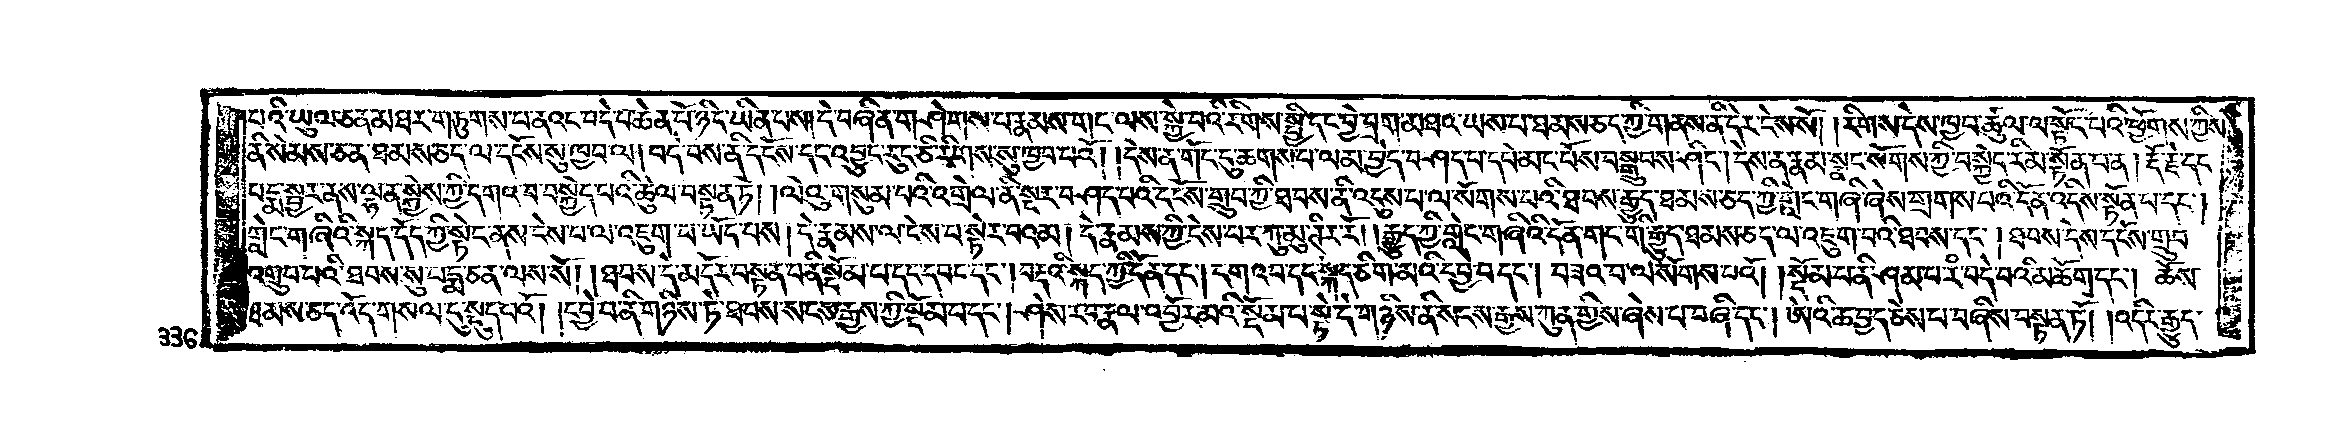པའི་ཡུལ་ཅན་མཐར་གཏུགས་པ་ནའང་བདེ་བ་ཆེན་པོ་ཉིད་ཡིན་པས། དེ་བཞིན་གཤེགས་པ་རྣམས་གང་ལས་སྐྱེ་བའི་རིགས་སྤྱི་དང་བྱེ་བྲག་མཐའ་ཡས་པ་ཐམས་ཅད་ཀྱི་གནས་ནི་དེར་ངེས་སོ། །རིགས་དེས་ཁྱབ་ཚུལ་ལ་སྟོང་པའི་ཕྱོགས་ཀྱིས་
ནི་སེམས་ཅན་ཐམས་ཅད་ལ་དངོས་སུ་ཁྱབ་ལ། བདེ་བས་ནི་དངོས་དང་འབྱུང་རུང་ཅི་རིགས་སུ་ཁྱབ་པའོ། །དེས་ན་གོང་དུ་ཆགས་པ་ལམ་བྱེད་བཤད་པ་དཔེ་མང་པོས་བསྒྲུབས་ཤིང་། དེས་ན་རྣམ་སྣང་སོགས་ཀྱི་བསྐྱེད་རིམ་སྟོན་པ་ན། རྡོ་རྗེ་དང་
པདམ་སྦྱར་ནས་ལྷན་སྐྱེས་ཀྱི་དགའ་བ་བསྐྱེད་པའི་ཚུལ་བསྟན་ཏེ། །ལེའུ་གསུམ་པའི་འགྲེལ་ནི་སྔར་བཤད་པའི་དངོས་གྲུབ་ཀྱི་ཐབས་ནི་འདུས་པ་ལ་སོགས་པའི་ཐབས་རྒྱུད་ཐམས་ཅད་ཀྱི་གླེང་གཞི་ཞེས་གྲགས་པའི་དོན་འདིས་སྟོན་པ་དང་།
གླེང་གཞིའི་སྐད་དོད་ཀྱི་སྟེང་ནས་ངེས་པ་ལ་འཇུག་པ་ཡོད་པས། དེ་རྣམས་ལ་ངེས་པ་སྟེར་བའམ། དེ་རྣམས་ཀྱི་ངེས་པར་ཀུ་མུ་ཊིར་རོ། །རྒྱུད་ཀྱི་གླེང་གཞིའི་དོན་གང་གི་རྒྱུད་ཐམས་ཅད་ལ་འཇུག་པའི་ཐབས་དང་། ཐབས་དེས་དངོས་གྲུབ་
འགྲུབ་པའི་ཐབས་སུ་པདམ་ཅན་ལས་སོ། །ཐབས་དེ་མདོར་བསྟན་པ་ནི་སྡོམ་པ་དང་དབང་དང་། བརྡའི་སྐད་ཀྱི་དོན་དང་། དགའ་བ་དང་སྐད་ཅིག་མའི་དབྱེ་བ་དང་། བཟའ་བ་ལ་སོགས་པའོ། །སྡོམ་པ་ནི་ཤམ་པ་རཾ་བདེ་བའི་མཆོག་དང་། ཆོས་
ཐམས་ཅད་འོད་གསལ་དུ་སྡུད་པའོ། །དབྱེ་བ་ནི་གཉིས་ཏེ་ཐབས་སངས་རྒྱས་ཀྱི་སྡོམ་པ་དང་། ཤེས་རབ་རྣལ་འབྱོར་མའི་སྡོམ་པ་སྟེ་དེ་གཉིས་ནི་སངས་རྒྱས་ཀུན་གྱིས་ཞེས་པ་བཞི་དང་། ཨེའི་ཆ་བྱད་ཅེས་པ་བཞིས་བསྟན་ཏོ། །འདིར་རྒྱུད་